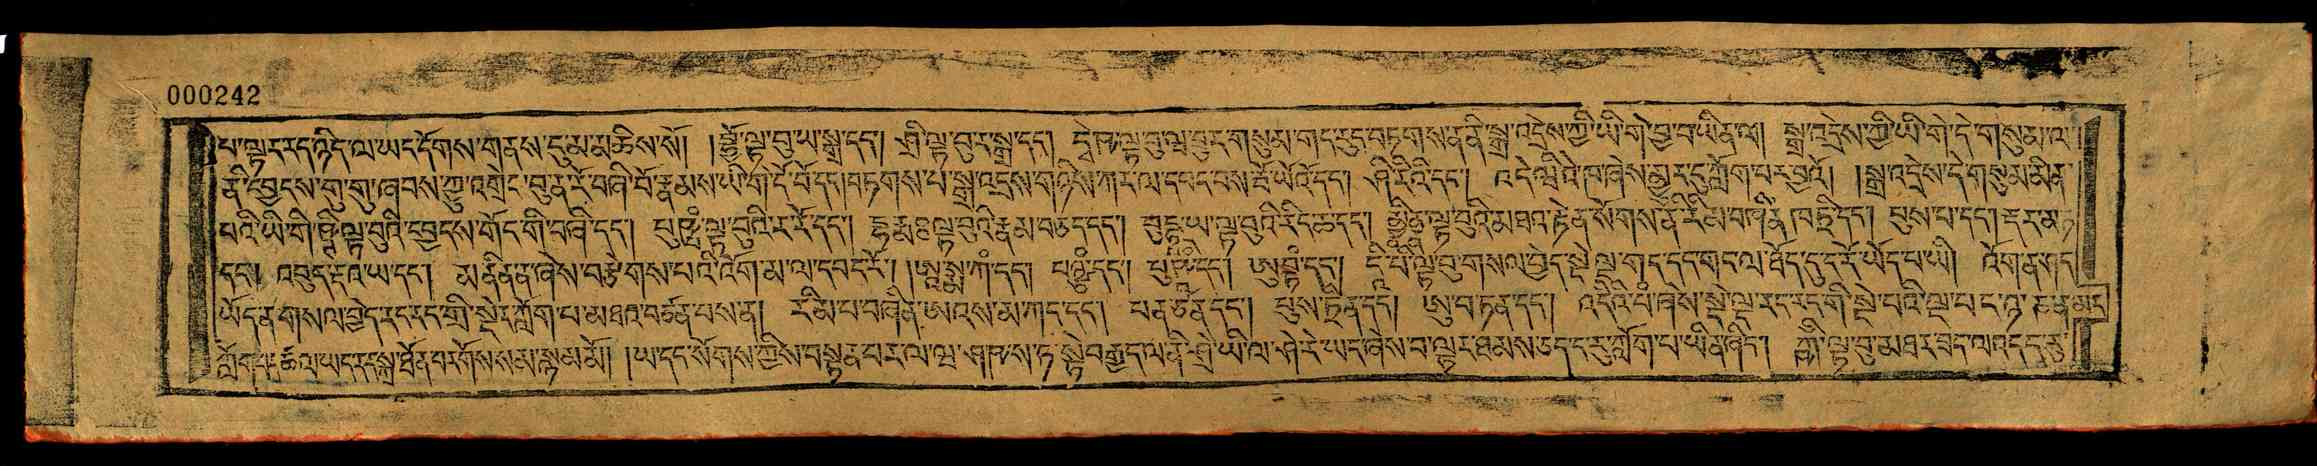པ་ལྟར་རང་ཉིད་ལ་ཡང་དགོས་གནས་དུ་མ་མཆིས་སོ། །བྷྱོ་ལྟ་བུ་ཡ་སྒྲ་དང་། ཤྲི་ལྟ་བུར་སྦྲ་དང་། ང་ཥ་ལྟ་བུ་ཝ་ཟུར་གསུམ་གང་དང་བཏགས་ན་ནི་སྒྲ་འདྲེས་ཀྱི་ཡི་གེ་བྱ་བ་ཡིན་ལ། ས་འདྲེས་ཀྱི་ཡི་གེ་དེ་གསུམ་ལ་
ནི་དབྱངས་གུ་གུ་ཞབས་ཀྱུ་འགྲེང་བུ་ན་རོ་བཞི་པོ་རྣམས་ཡི་གེ་ངོ་བོ་དཔེ་བཏགས་པ་སྒྲ་འདྲེས་གཉིས་ཀར་ལ་དབང་བས་རྦ་ཡོའོ་དང་། ཤ་རའི་དང་། འདི་ཝིའི་ཁ་ཞེས་མྱུར་དུ་ཀླག་པར་བྱའོ། །སྒྲ་འདྲེས་དེ་གསུམ་མིན་
པའི་ཡི་གེ་ཥྚི་ལྟ་བུའི་དབྱངས་གོང་གི་བཞིན་ནང་། པུཥྤི་ལྟ་བུའི་ང་རོ་དང་། དྷརྨཿ ལྟ་བུའི་རྣམ་བཅད་དང་། བུདྷ་ཡ་ལྟ་བུའི་རིང་ཆ་དང་། མནནྣ་ལྟ་བུའི་མཐའ་རྟེན་སོགས་ན་རམ་བཞན། ཁྟྲ་དང་། པུས་པ་དག་རྡར་མྷ་
དང་། འབུད་རྡའི་ཡ་དང་། མ་ནི་ན་ན་ཤེས་བརྩེགས་པའི་འོག་མ་ལ་དབང་པོ། །ཨཱཨམ་ཀ་དང་། པཉྩ་དང་། པུཥྚ་དང་། ཨུཔྟཾ་དང་། དཱི་པ་ལྟ་བུ་གསལ་བྱེད་སྡེ་ལྔ་གང་དང་གང་ལ་ཐོད་དུང་རོ་ཡོད་པ་ཡི། འོག་ན་ཤད་
ཡོད་ན་གསལ་བྱེད་རང་རང་གི་སྡེར་ཀློག་པ་མཐའ་བཙན་པས་ན། རིམ་པ་བཞིན་ཨཱས་མ་ཀ་ང་དང་། པན་ཙན་དང་། པུས་ཏྲིན་དྲང་། ཨུ་བ་ཏན་དང་། འདིའི་བཾ་ཞེས་སྔ་ལྔ་རང་རང་གི་སྡེ་པའི་ལྔ་བ་ང་ཉ་ཎ་ན་མར་
ཀློག་པ།། ཎ་ལའང་རང་སྒྲ་ཐོན་པ་དགོས་པ་ན། སྙམ་མོ། །ཡ་དང་སོགས་ཀྱིས་བསྟན་པར་ལ་བ་ཝྴཥ་ས་ཧ་སྟེ་བརྒྱད་ལ་ནི་ཤྲེ་ཡི་ལ་ཤེ་རེ་ཡང་ཞེས་པ་ལྟར་ཐམས་ཅད་ང་རུ་ཀློག་པ་ཡིན་ཞིང་། ཀླི་ལྟ་བུ་མཐར་ཟད་ལའང་ང་རུ་